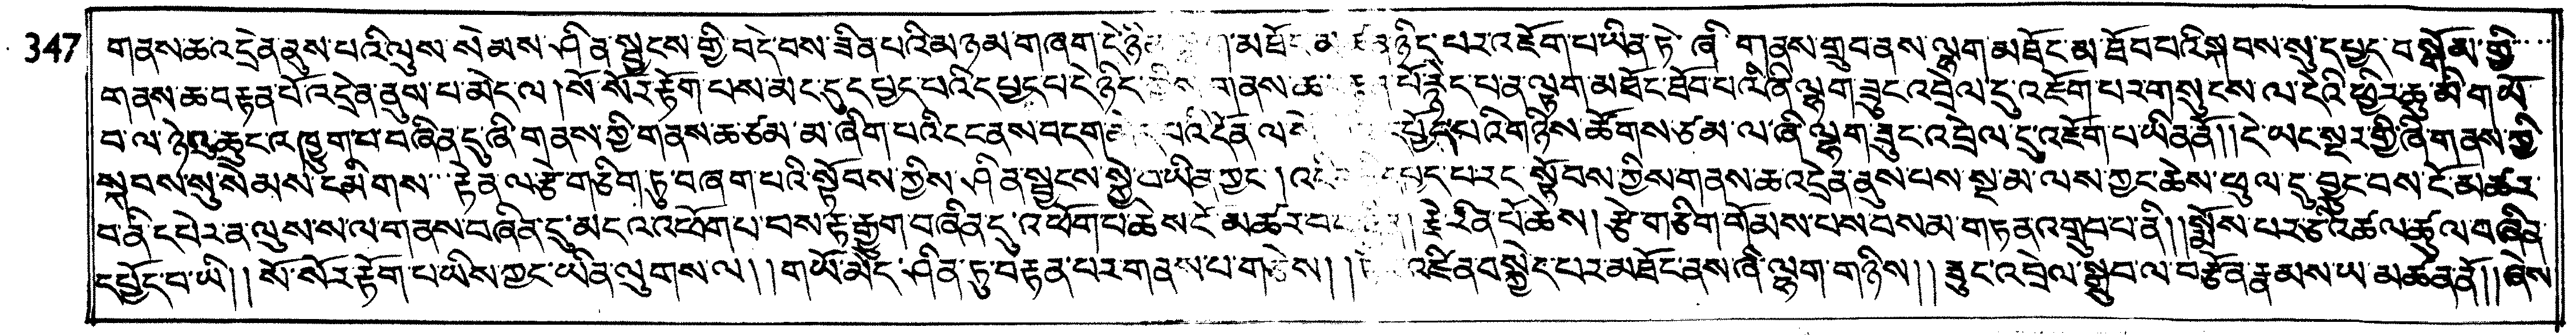གནས་ཆ་འདྲེན་ནུས་པའི་ལུས་སེམས་ཤིན་སྦྱངས་གྱི་བདེ་བས་ཟིན་པའི་མཉམ་གཞག་དེ་ཉིན་ལྷག་མཐོང་མཚན་ཉིད་པར་འཇོག་པ་ཡིན་ཏེ་ཞི་གནས་གྲུབ་ནས་ལྷག་མཐོང་མ་ཐོབ་པའི་སྐབས་སུ་དཔྱད་བསྒོམ་གྱི་
གནས་ཆ་བརྟན་པོ་འདྲེན་ནུས་པ་མེད་ལ། སོ་སོར་རྟོག་པས་མང་དུ་དཔྱད་པའི་དཔྱད་པ་དེ་ཉིད་ཀྱིས་གནས་ཆ་བརྟན་པོ་རྙེད་པ་ན་ལྟག་མཐོང་ཐོབ་པའི་ཞི་ལྷག་ཟུང་འབྲེལ་དུ་འཇོག་པར་གསུངས་ལ་དེའི་ཕྱིར་ཆུ་མི་གཡོ་
བ་ལ་ཉེའུ་ཆུང་འཁྱུག་པ་བཞིན་དུ་ཞི་གནས་ཀྱི་གནས་ཆ་ཙམ་མ་ཞིག་པའི་ངང་ནས་བདག་མེད་པའི་དོན་ལ་སོ་སོར་དཔྱོད་པའི་གཉིས་ཚོགས་ཙམ་ལ་ཞི་ལྷག་ཟུང་འབྲེལ་དུ་འཇོག་པ་ཡིན་ནོ། །དེ་ཡང་སྔར་གྱི་ཞི་གནས་ཀྱི་
སྐབས་སུ་སེམས་དམིགས་རྟེན་ལ་རྩེ་གཅིག་ཏུ་བཞག་པའི་སྟོབས་ཀྱིས་ཤིན་སྦྱངས་སྐྱེ་བ་ཡིན་ཀྱང་། འདིར་ནི་དཔྱད་པ་རང་སྟོབས་ཀྱིས་གནས་ཆ་འདྲེན་ནུས་པས་སྔ་མ་ལས་ཀྱང་ཆེས་ཕུལ་དུ་བྱུང་བས་ངོ་མཚར་
བ་ནི་དཔེར་ན་ལུས་ས་ལ་གནས་བཞིན་དུ་མངའ་འཕོག་པ་བས་རྟ་རྒྱུག་བཞིན་དུ་འཕོག་པ་ཆེས་ངོ་མཚར་བ་བཞིན། རྗེ་རིན་པོ་ཆེས། རྩེ་གཅིག་གོམས་པས་བསམ་གཏན་འགྲུབ་པ་ནི། །སྨོས་པར་ཅི་འཚལ་ཚུལ་བཞིན་
དཔྱོད་པ་ཡི། །སོ་སོར་རྟོག་པ་ཡིས་ཀྱང་ཡིན་ལུགས་ལ། །གཡོ་མེད་ཤིན་ཏུ་བརྟན་པར་གནས་པ་གཅེས། །ཏིང་འཛིན་བསྐྱེད་པར་མཐོང་ནས་ཞི་ལྷག་གཉིས། །ཟུང་འབྲེལ་སྒྲུབ་ལ་བརྩོན་རྣམས་ཡ་མཚན་ནོ། །ཞེ་